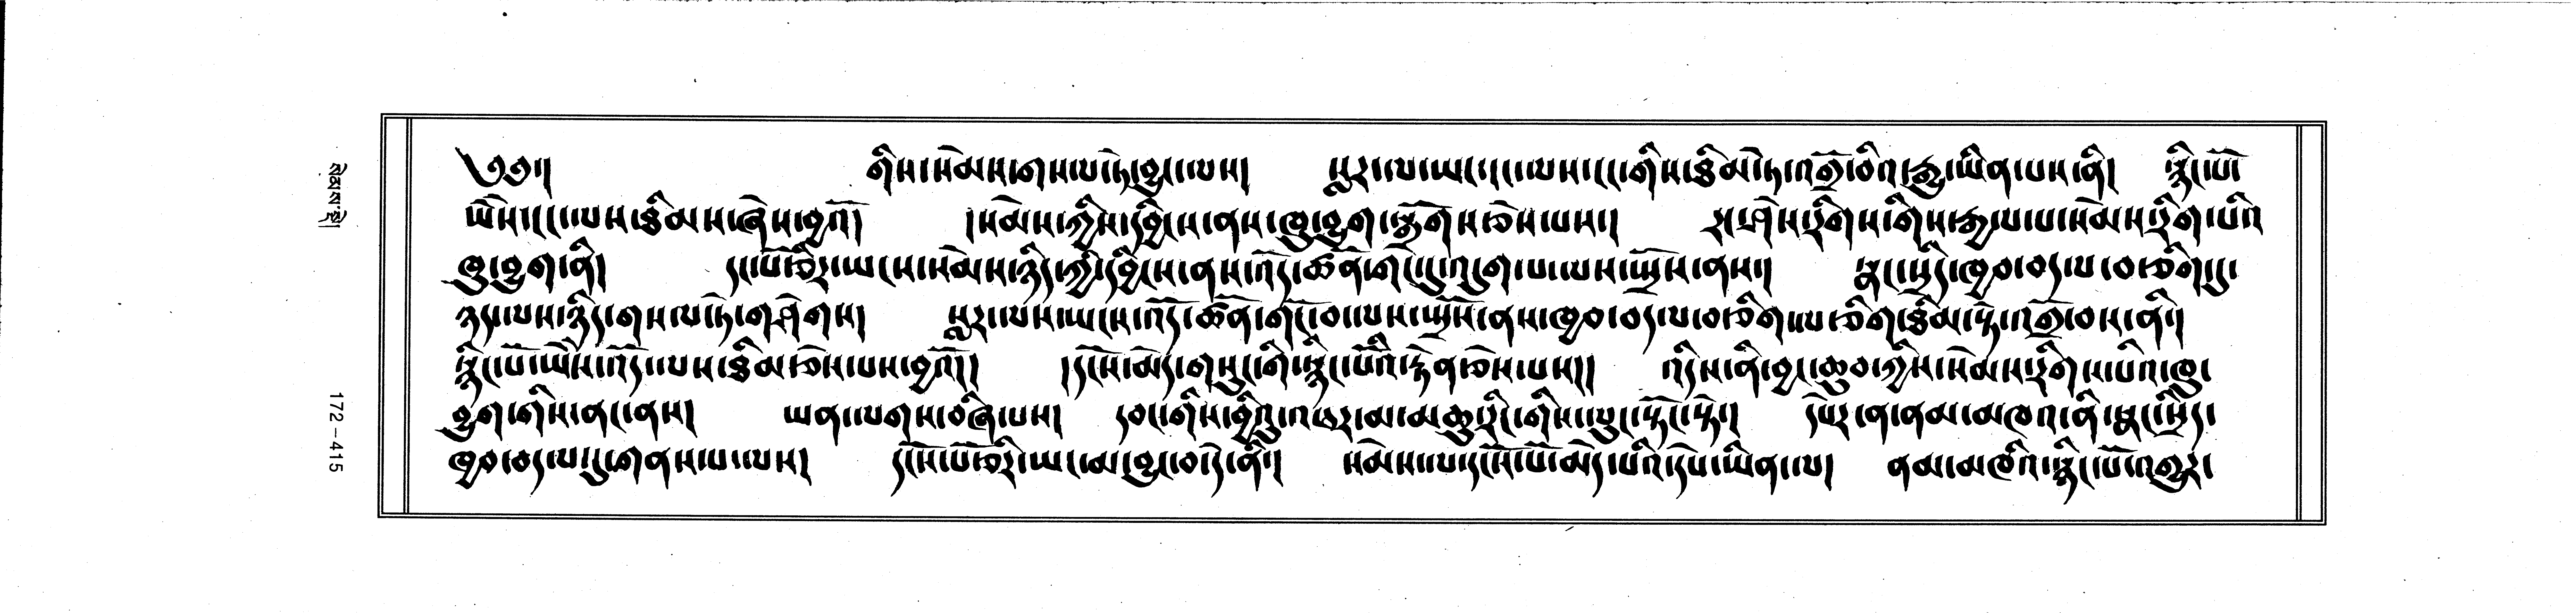སེམས་གསལ་ཏེ་བྱུང་ལས། སླར་ལ་ཡང་ངང་ལས་ངང་གིས་ཐིམ་ཏེ་འགྲོ་བའི་རྒྱུ་ཡིན་པས་ནི། སྙིང་པོ་
ཡེ་ཤེས་ངང་ལས་ཐིམས་ཞེས་བྱའོ། སེམས་ཀྱིས་དབྱིངས་ནས་ཁུ་བྱུག་སྒྲོགས་ཅེས་པས། རང་ཤེས་རིགས་གིས་རྒྱལ་པ་སེམས་རིག་པའི་
ཁུ་བྱུག་ནི། དང་པོ་ཅིར་ཡང་སེམས་ཉིད་ཀྱི་དབྱིངས་ནས་འོད་ཚོན་གང་དུ་འདུག་པ་ལས་སྤྲོས་ནས། སྣང་སྲིད་ཁྱབ་བདལ་བ་ཅིག་དུ་
ཉིད་ལས་ཉིད་གསལ་ཏེ་གཤེགས། སླར་ལས་ཡང་འོད་ཚོན་གོང་བ་ལས་སྤྲོས་ནས་ཁྱབ་བདལ་བ་ཅིག་ལ་ཅིག་ཐིམ་སྟེ་འགྲོ་བས་ནི། 
སྙིང་པོ་ཡེ་ཤེས་འོད་ལས་ཐིམ་ཅེས་པས་བྱའོ། དངོས་མེད་གསུང་གི་སྙིང་པོའི་རྟེན་ཅེས་པས། འདི་ནི་བྱང་ཆུབ་ཀྱིས་སེམས་རིགས་པའི་ཁུ་
བྱུག་གིས་ནང་ནས། ཡན་ལག་བཞི་པས། དབང་གིས་བྱིའུ་འཕར་མ་མཆུ་རིང་གིས་ལུང་སྟོན་སྟེ། དཔེར་ན་ནམ་མཁའ་ནི་སྣང་སྲིད་
ཁྱབ་བདལ་དུ་གནས་པ་ལས། དངོས་པོ་ཅིར་ཡང་མ་བྱུང་བ་དེ་ནི། སེམས་ལ་དངོས་པོ་མེད་པའི་དཔེ་ཡིན་ལ། ནམ་མཁའི་སྙིང་པོ་འགྱུར་